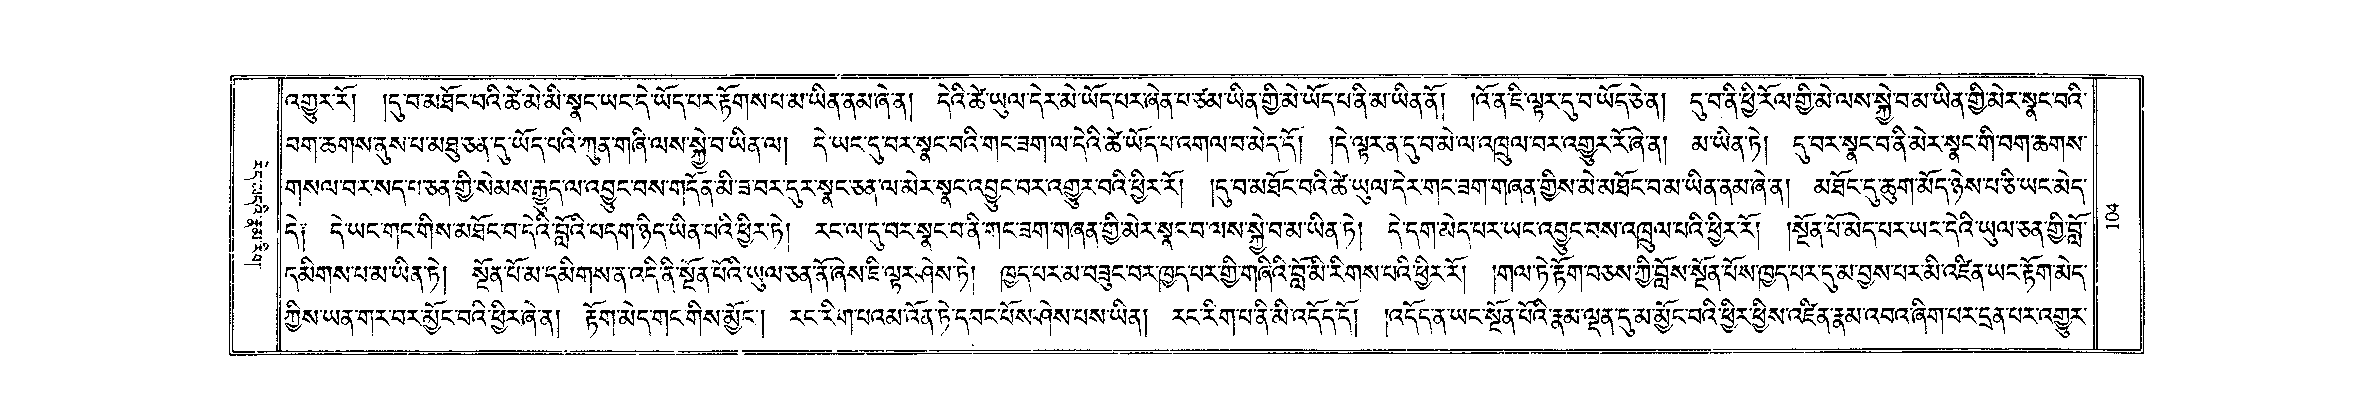འགྱུར་རོ། །དུ་བ་མཐོང་བའི་ཚེ་མེ་མི་སྣང་ཡང་དེ་ཡོད་པར་རྟོགས་པ་མ་ཡིན་ནམ་ཞེ་ན། དེའི་ཚེ་ཡུལ་དེར་མེ་ཡོད་པར་ཞེན་པ་ཙམ་ཡིན་གྱི་མེ་ཡོད་པ་ནི་མ་ཡིན་ནོ། །འོ་ན་ཇི་ལྟར་དུ་བ་ཡོད་ཅེ་ན། དུ་བ་ནི་ཕྱི་རོལ་གྱི་མེ་ལས་སྐྱེ་བ་མ་ཡིན་གྱི་མེར་སྣང་བའི་
བག་ཆགས་ནུས་པ་མཐུ་ཅན་དུ་ཡོད་པའི་ཀུན་གཞི་ལས་སྐྱེ་བ་ཡིན་ལ། དེ་ཡང་དུ་བར་སྣང་བའི་གང་ཟག་ལ་དེའི་ཚེ་ཡོད་པ་འགལ་བ་མེད་དོ། །དེ་ལྟར་ན་དུ་བ་མེ་ལ་འཁྲུལ་བར་འགྱུར་རོ་ཞེ་ན། མ་ཡིན་ཏེ། དུ་བར་སྣང་བ་ནི་མེར་སྣང་གི་བག་ཆགས་
གསལ་བར་སད་པ་ཅན་གྱི་སེམས་རྒྱུད་ལ་འབྱུང་བས་གདོན་མི་ཟ་བར་དུར་སྣང་ཅན་ལ་མེར་སྣང་འབྱུང་བར་འགྱུར་བའི་ཕྱིར་རོ། །དུ་བ་མཐོང་བའི་ཚེ་ཡུལ་དེར་གང་ཟག་གཞན་གྱིས་མེ་མཐོང་བ་མ་ཡིན་ནམ་ཞེ་ན། མཐོང་དུ་ཆུག་མོད་ཉེས་པ་ཅི་ཡང་མེད་
དེ༑ དེ་ཡང་གང་གིས་མཐོང་བ་དེའི་བློའི་བདག་ཉིད་ཡིན་པའི་ཕྱིར་ཏེ། རང་ལ་དུ་བར་སྣང་བ་ནི་གང་ཟག་གཞན་གྱི་མེར་སྣང་བ་ལས་སྐྱེ་བ་མ་ཡིན་ཏེ། དེ་དག་མེད་པར་ཡང་འབྱུང་བས་འཁྲུལ་པའི་ཕྱིར་རོ། །སྔོན་པོ་མེད་པར་ཡང་དེའི་ཡུལ་ཅན་གྱི་བློ་
དམིགས་པ་མ་ཡིན་ཏེ། སྔོན་པོ་མ་དམིགས་ན་འདི་ནི་སྔོན་པོའི་ཡུལ་ཅན་ནོ་ཞེས་ཇི་ལྟར་ཤེས་ཏེ། ཁྱད་པར་མ་བཟུང་བར་ཁྱད་པར་གྱི་གཞིའི་བློ་མི་རིགས་པའི་ཕྱིར་རོ། །གལ་ཏེ་རྟོག་བཅས་ཀྱི་བློས་སྔོན་པོས་ཁྱད་པར་དུ་མ་བྱས་པར་མི་འཛིན་ཡང་རྟོག་མེད་
ཀྱིས་ཡན་གར་བར་མྱོང་བའི་ཕྱིར་ཞེ་ན། རྟོག་མེད་གང་གིས་མྱོང་། རང་རིག་པའམ་འོན་ཏེ་དབང་པོས་ཤེས་པས་ཡིན། རང་རིག་པ་ནི་མི་འདོད་དོ། །འདོད་ན་ཡང་སྔོན་པོའི་རྣམ་ལྡན་དུ་མ་མྱོང་བའི་ཕྱིར་ཕྱིས་འཛིན་རྣམ་འབའ་ཞིག་པར་དྲན་པར་འགྱུར་